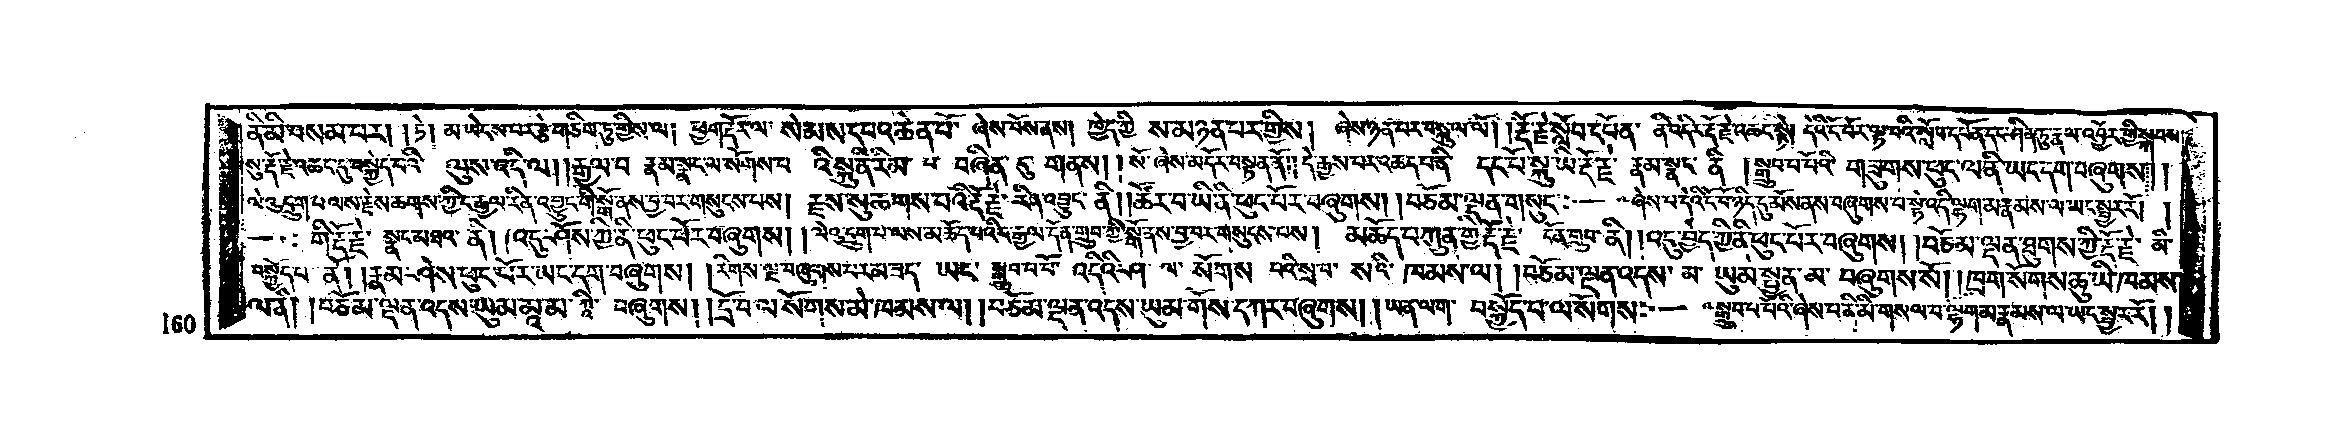ནི་མི་བསམ་པར། །ཏེ། མ་ཡེངས་པར་རྩེ་གཅིག་ཏུ་གྱིས་ལ། ཕྱག་རྡོར་ལ་སེམས་དཔའ་ཆེན་པོ་ཞེས་བོས་ནས། ཁྱེད་ཀྱི་ས་མཉན་པར་གྱིས། ཞེས་ཉན་པར་བསྐུལ་ལོ། །རྡོ་རྗེ་སློབ་དཔོན་ནི་འདིར་རྡོ་རྗེ་འཆང་སྟེ། དེའི་ངོ་བོར་ལྟ་བའི་སློབ་དཔོན་དང་ཤིན་ཏུ་རྣལ་འབྱོར་གྱི་སྐབས་
སུ་རྡོ་རྗེ་འཆང་དུ་བསྐྱེད་པའི་ལུས་འདི་ལ། །རྒྱལ་བ་རྣམ་སྣང་ལ་སོགས་པའི་སྐུ་ནི་རིམ་པ་བཞིན་དུ་གནས། ། སོ་ཞེས་མདོར་བསྟན་ནོ། །དེ་རྒྱས་པར་འཆད་པ་ནི་དང་པོ་སྐུ་ཡི་རྡོ་རྗེ་རྣམ་སྣང་ནི། སྒྲུབ་པ་པོའི་གཟུགས་ཕུང་ལ་ནི་ཡང་དག་བཞུགས། །
ལེའུ་དྲུག་པ་ལས་རྗེས་ཆགས་ཀྱི་ང་རྒྱལ་རིན་འབྱུང་གི་སྒོ་ནས་བྱ་བར་གསུངས་པས། རྗེས་སུ་ཆགས་པའི་རྡོ་རྗེ་རིན་འབྱུང་ནི། །ཚོར་བ་ཡི་ནི་ཕུང་པོར་བཞུགས། །བཅོམ་ལྡན་གསུངཿ་༧ཞེས་པ་དེའི་ངོ་བོ་ཉིད་དུ་མོས་ནས་བཞུགས་པ་སྟེ་འདི་ལྷག་མ་རྣམས་ལ་ཡང་སྦྱར་རོ། །
.Hགི་རྡོ་རྗེ་སྣང་མཐའ་ནི། །འདུ་ཤེས་ཀྱི་ནི་ཕུང་པོར་བཞུགས། ། ལེའུ་དྲུག་པ་ལས་མཆོད་པའི་ང་རྒྱལ་དོན་གྲུབ་ཀྱི་སྒོ་ནས་བྱ་བར་གསུངས་པས། མཆོད་པ་ཀུན་གྱི་རྡོ་རྗེ་དོན་གྲུབ་ནི།  །འདུ་བྱེད་ཀྱི་ནི་ཕུང་པོར་བཞུགས། །བཅོམ་ལྡན་ཐུགས་ཀྱི་རྡོ་རྗེ་མི་
བསྐྱོད་པ་ནི། །རྣམ་ཤེས་ཕུང་པོར་ཡང་དག་བཞུགས། ། རིགས་ལྔ་བཞུགས་པར་མ་ཟད་ཡང་སྒྲུབ་པ་པོ་འདིའི་ཤ་ལ་སོགས་པའི་སྲ་བ་སའི་ཁམས་ལ། །བཅོམ་ལྡན་འདས་མ་ཡུམ་སྤྱན་མ་བཞུགས་སོ། །ཁྲག་སོགས་ཆུ་ཡི་ཁམས་
ལ་ནི། །བཅོམ་ལྡན་འདས་ཡུམ་མཱ་མ་ཀཱི་བཞུགས། །དྲེ་བ་ལ་སོགས་མེ་ཁམས་ལ། །བཅོམ་ལྡན་འདས་ཡུམ་གོས་དཀར་བཞུགས། ། ཡན་ལག་བསྐྱོད་པ་ལ་སོགསཿ་༧སྒྲུབ་པ་པོའི་ཞེས་པ་ནི་མི་གསལ་བ་ལྷག་མ་རྣམས་ལ་ཡང་སྦྱར་རོ། །